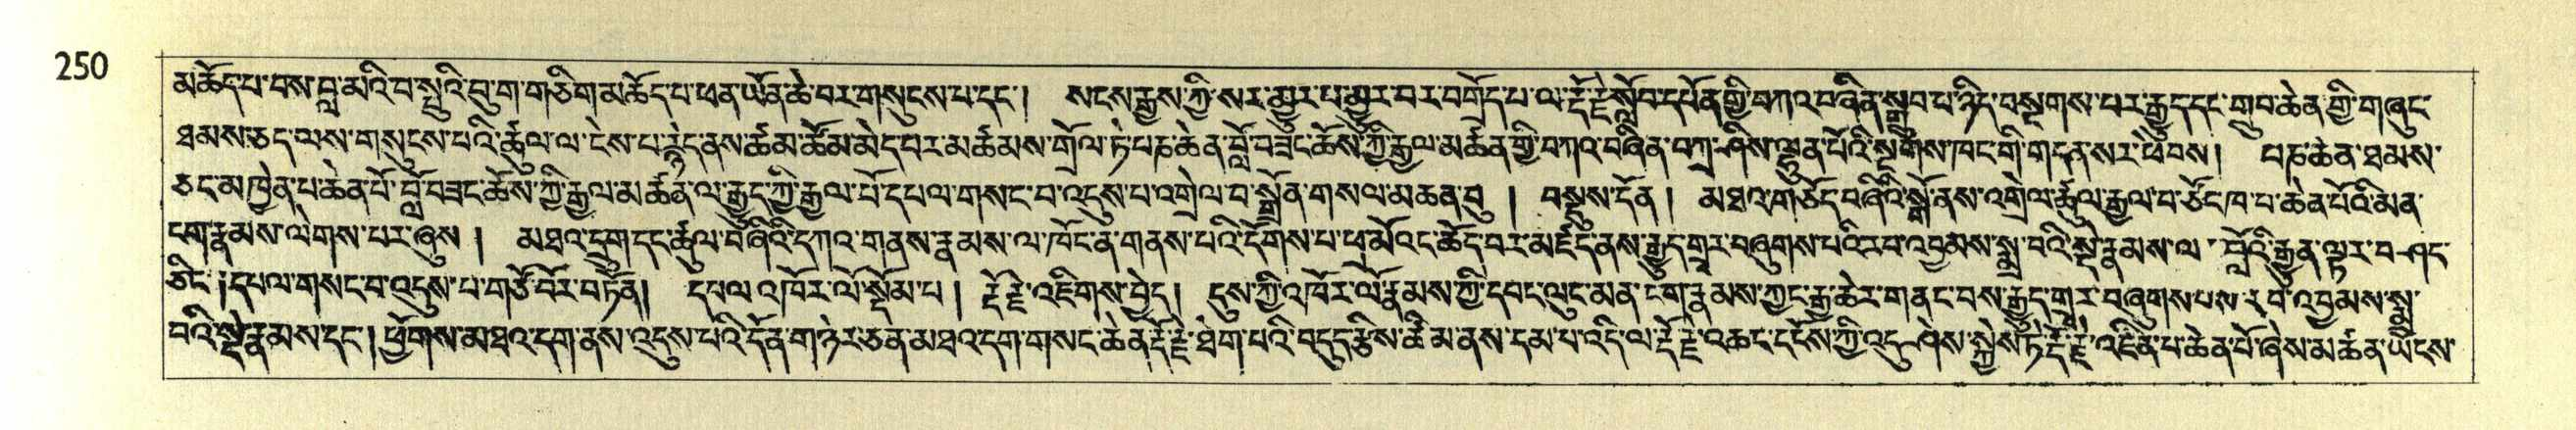མཆོད་པ་བས་བླ་མའི་བ་སྤུའི་བུ་ག་གཅིག་མཆོད་པ་ཕན་ཡོན་ཆེ་བར་གསུངས་པ་དང་། སངས་རྒྱས་ཀྱི་སར་མྱུར་པ་མྱུར་བར་བགྲོད་པ་ལ་རྡོ་རྗེ་སློབ་དཔོན་གྱི་བཀའ་བཞིན་སྒྲུབ་པ་ཉིད་བསྔགས་པར་རྒྱུད་དང་གྲུབ་ཆེན་གྱི་གཞུང་
ཐམས་ཅད་ལས་གསུངས་པའི་ཚུལ་ལ་ངེས་པ་རྙེད་ནས་ཚམ་ཚོམ་མེད་པར་མཚམས་གྲོལ་ཏེ་པཎ་ཆེན་བློ་བཟང་ཆོས་ཀྱི་རྒྱལ་མཚན་གྱི་བཀའ་བཞིན་བཀྲ་ཤིས་ལྷུན་པོའི་སྔགས་ཁང་གི་གདན་སར་ཕེབས། པཎ་ཆེན་ཐམས་
ཅད་མཁྱེན་པ་ཆེན་པོ་བློ་བཟང་ཆོས་ཀྱི་རྒྱལ་མཚན་ལ་རྒྱུད་ཀྱི་རྒྱལ་པོ་དཔལ་གསང་བ་འདུས་པ་འགྲེལ་བ་སྒྲོན་གསལ་མཆན་བུ། བསྡུས་དོན། མཐའ་གཅོད་བཞིའི་སྒོ་ནས་འགྲེལ་ཚུལ་རྒྱལ་བ་ཙོང་ཁ་པ་ཆེན་པོའི་མན་
ངག་རྣམས་ལེགས་པར་ཞུས། མཐའ་དྲུག་དང་ཚུལ་བཞིའི་དཀའ་གནས་རྣམས་ལ་ཁོང་ན་གནས་པའི་དོགས་པ་ཕྲ་མོའང་ཆོད་བར་མཛད་ནས་རྒྱུད་གྲྭར་བཞུགས་པའི་རབ་འབྱམས་སྨྲ་བའི་སྡེ་རྣམས་ལ་བློའི་རྒྱུན་ལྟར་བཤད་
ཅིང་༑དཔལ་གསང་བ་འདུས་པ་གཙོ་བོར་བཏོན། དཔལ་འཁོར་ལོ་སྡོམ་པ། རྡོ་རྗེ་འཇིགས་བྱེད། དུས་ཀྱི་འཁོར་ལོ་རྣམས་ཀྱི་དབང་ལུང་མན་ངག་རྣམས་ཀྱང་རྒྱ་ཆེར་གནང་བས་རྒྱུད་གྲྭར་བཞུགས་པས་རབ་འབྱམས་སྨྲ་
བའི་སྡེ་རྣམས་དང་། ཕྱོགས་མཐའ་དག་ནས་འདུས་པའི་དོན་གཉེར་ཅན་མཐའ་དག་གསང་ཆེན་རྡོ་རྗེ་ཐེག་པའི་བདུད་རྩིས་ཚིམ་ནས་དམ་པ་འདི་ལ་རྡོ་རྗེ་འཆང་དངོས་ཀྱི་འདུ་ཤེས་སྐྱེས་ཏེ་རྡོ་རྗེ་འཛིན་པ་ཆེན་པོ་ཞེས་མཚན་ཡོངས་